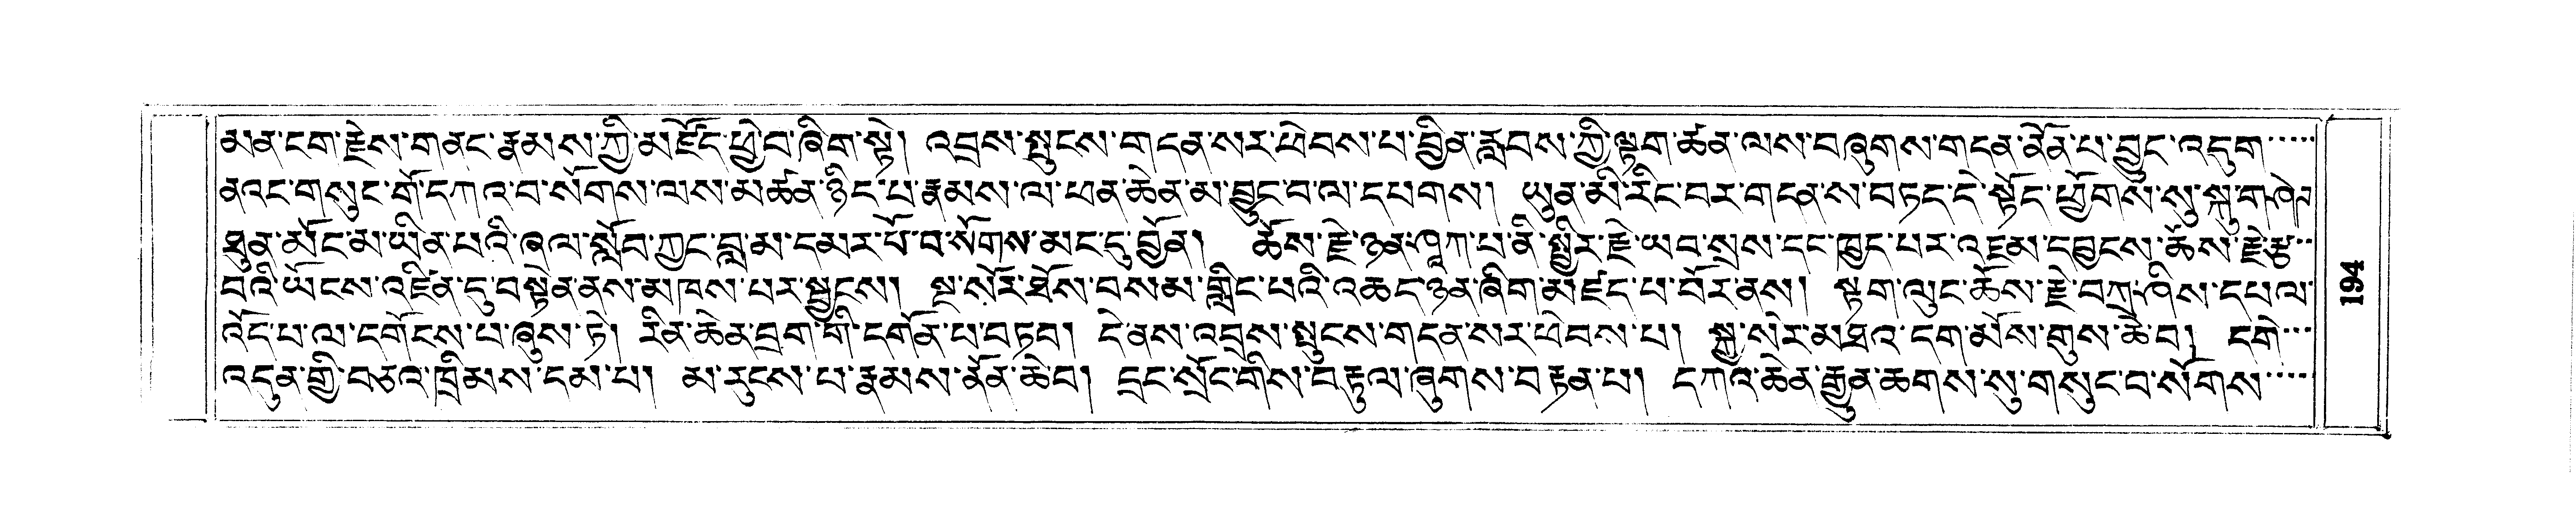མན་ངག་རྗེས་གནང་རྣམས་ཀྱི་མཛོད་ཕྱེ་བ་ཞིག་སྟེ། འབྲས་སྤུངས་གདན་སར་ཕེབས་པ་བྱིན་རླབས་ཀྱི་ལྟག་ཚན་ལས་བཞུགས་གདན་ནོན་པ་བྱུང་འདུག་
ནའང་གསུང་གོ་དཀའ་བ་སོགས་ལས་མཚན་ཉིད་པ་རྣམས་ལ་ཕན་ཆེན་མ་བྱུང་བ་ལ་དཔགས། ཡུན་མི་རིང་བར་གདན་ས་བཏད་དེ་སྟོད་ཕྱོགས་སུ་སྐུ་གཤེཊ་
ཐུན་མོང་མ་ཡིན་པའི་ཞལ་སློབ་ཀྱང་བླ་མ་དམར་པོ་བ་སོགས་མང་དུ་བྱོན། ཆོས་རྗེ་ཉན་ཤཱཀ་པ་ནི་སྤྱིར་རྗེ་ཡབ་སྲས་དང་ཁྱད་པར་འཇམ་དབྱངས་ཆོས་རྗེ་རྩ་
བའི་ཡོངས་འཛིན་དུ་བསྟེན་ནས་མཁས་པར་སྦྱངས། སྔ་སོར་ཐོས་བསམ་གླིང་པའི་འཆད་ཉན་ཞིག་མཛད་པ་བོར་ནས། སྟག་ལུང་ཆོས་རྗེ་བཀྲ་ཤིས་དཔལ་
འོད་པ་ལ་དགོངས་པ་ཞུས་ཏེ། རིན་ཆེན་བྲག་གི་དགོན་པ་བཏབ། དེ་ནས་འབྲས་སྤུངས་གདན་སར་ཕེབས་པ། སྐྱ་སེར་མཐའ་དག་མོས་གུས་ཆེ་བ། དགེ་
འདུན་གྱི་བཅའ་ཁྲིམས་དམ་པ། མ་རུངས་པ་རྣམས་ནོན་ཆེ་བ། དྲང་སྲོང་གིས་བརྟུལ་ཞུགས་བརྟན་པ། དཀའ་ཆེན་རྒྱུན་ཆགས་སུ་གསུང་བ་སོགས་